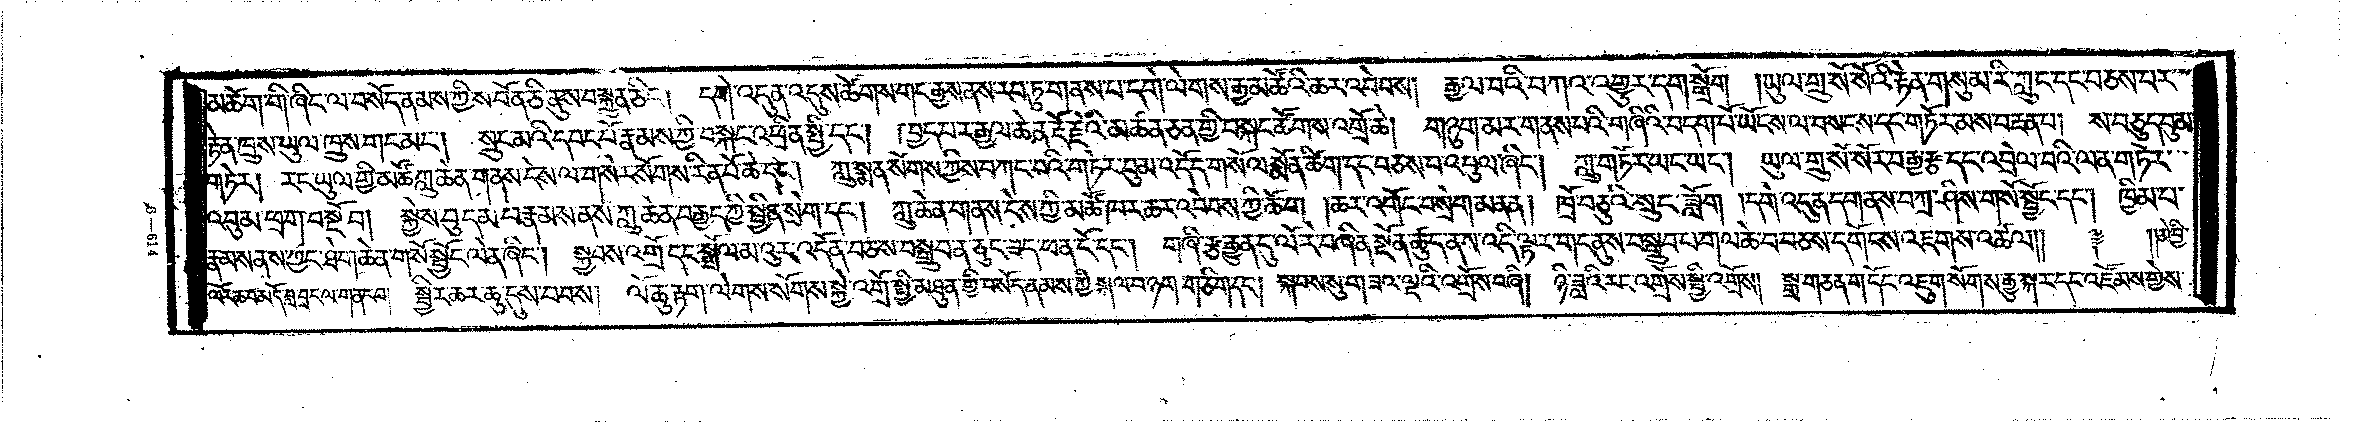མཆོག་གི་ཞིང་ལ་བསོད་ནམས་ཀྱི་ས་བོན་ཅི་ནུས་བསྐྲུན་ཅིང་། དགེ་འདུན་འདུས་ཚེགས་གང་རྒྱས་ནས་རབ་ཏུ་གནས་པ་དགེ་ལེགས་རྒྱ་མཚོའི་ཆར་འབེབས། རྒྱལ་བའི་བཀའ་འགྱུར་དག་སྒྲོག །ཡུལ་གྲུ་སོ་སོའི་རྟེན་གསུམ་རི་ཀླུང་དང་བཅས་པར་
རྟེན་ཁྲུས་ཡུལ་ཁྲུས་གང་མང་། སྲུང་མའི་དབང་པོ་རྣམས་ཀྱི་བསྐང་འཕྲིན་སྤྱི་དང་། ཁྱད་པར་རྒྱལ་ཆེན་རྡོ་རྗེའི་མཚན་ཅན་གྱི་བསྐང་ཚོགས་འགྲོ་ཆེ། གཉུག་མར་གནས་པའི་གཞིའི་བདག་པོ་ཡོངས་ལ་བསངས་དང་གཏོར་མས་བརྔན་པ། ས་བཅུད་བུམ་
གཏེར། རང་ཡུལ་གྱི་མཚོ་ཀླུ་ཆེན་གནས་ངེས་ལ་གསེར་སོགས་རིན་པོ་ཆེ་དང་། ཀླུ་སྨན་སོགས་ཀྱིས་བཀང་བའི་གཏེར་བུམ་འདོད་གསོལ་སྨོན་ཚིག་དང་བཅས་པ་འབུལ་ཞིང་། ཀླུ་གཏོར་ཡང་ཡང་། ཡུལ་གྲུ་སོ་སོར་བརྒྱ་རྩ་དང་འབྲེལ་བའི་ལན་གཏེར་
འབུམ་ཕྲག་བསྔོ་བ། སྐྱེས་བུ་དམ་པ་རྣམས་ནས་ཀླུ་ཆེན་བརྒྱད་ཀྱི་སྦྱིན་སྲེག་དང་། ཀླུ་ཆེན་གནས་ངེས་ཀྱི་མཚོ་ཁར་ཆར་འབེབས་ཀྱི་ཆོག །ཆར་འགོང་བསྲེག་མནན། ཁྲོ་བཅུའི་སྲུང་ཟློག །དགེ་འདུན་དག་ནས་བཀྲ་ཤིས་གསོ་སྦྱོང་དང་། ཁྱིམ་པ་
རྣམས་ནས་ཀྱང་ཐེག་ཆེན་གསོ་སྦྱོང་ལེན་ཞིང་། སྐྱབས་འགྲོ་དང་སྒྲོལ་མ་འུར་འདོན་བཅས་བསྒྲུབ་ན་ཅུང་ཟད་ཕན་དོ་དང་། གཞི་རྩ་རྒྱུན་དུ་ལོ་རེ་བཞིན་སྔོན་ཚུད་ནས་འདི་ལྟར་གང་ནུས་བསྒྲུབ་པ་གལ་ཆེ་བ་བཅས་དགོངས་འཇགས་འཚལ།། ༈ །།མེ་བྱི་
ལོར་ཆབ་མདོ་བླ་བྲང་ལ་གནང་བ། སྦྱིར་ཆར་ཆུ་དུས་བབས། ལོ་ཆུ་རྟག་ལེགས་སོགས་སྐྱེ་འགྲོ་སྤྱི་མཐུན་གྱི་བསོད་ནམས་ཀྱི་སྐལ་བ་ཉག་གཅིག་དང་། སྐབས་སུ་གཟའ་ལྔའི་འགྲོས་བཞི། ཉི་ཟླའི་རང་འགྲོས་སྤྱི་འགྲོས། སྒྲ་གཅན་གདོང་འཇུག་སོགས་རྒྱུ་སྐར་དང་འཛོམས་གྱེས་